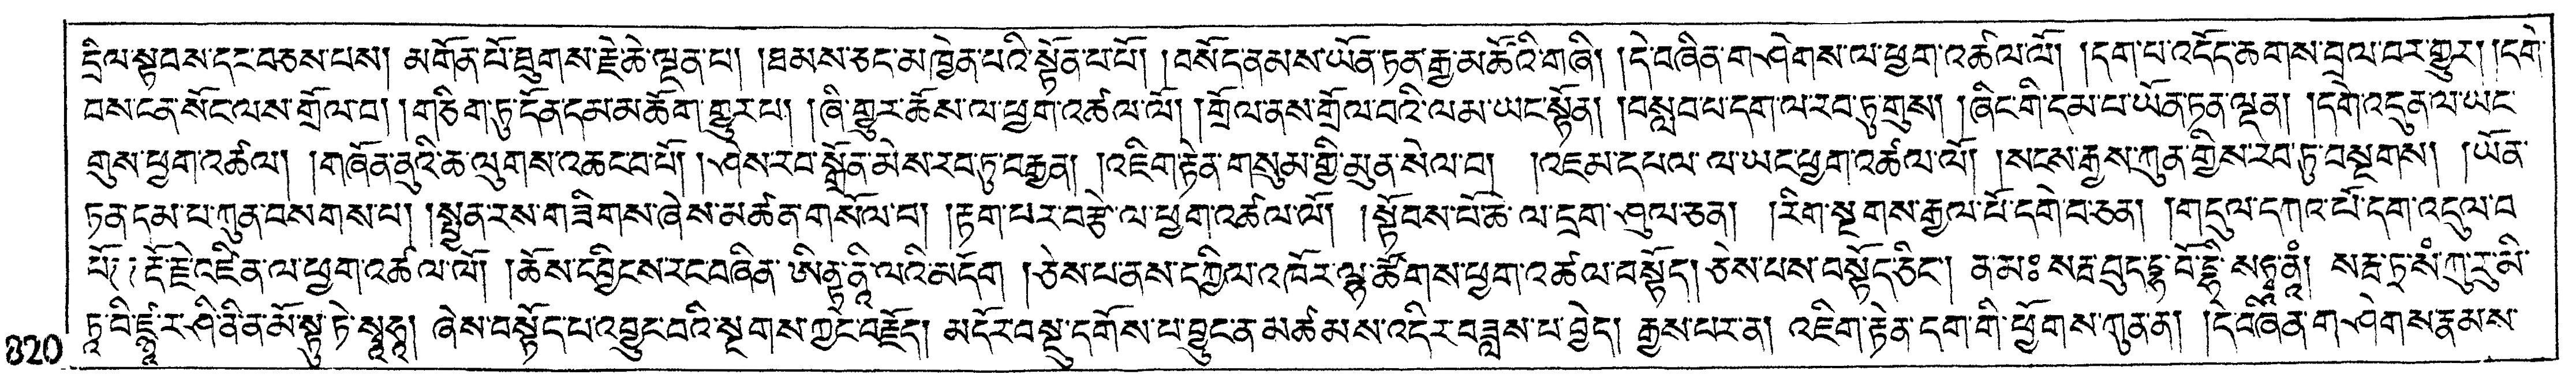དྲིལ་སྟབས་དང་བཅས་པས། མགོན་པོ་ཐུགས་རྗེ་ཆེ་ལྡན་པ། །ཐམས་ཅད་མཁྱེན་པའི་སྟོན་པ་པོ། །བསོད་ནམས་ཡོན་ཏན་རྒྱ་མཚོའི་གཞི། །དེ་བཞིན་གཤེགས་ལ་ཕྱག་འཚལ་ལོ། །དག་པ་འདོད་ཆགས་བྲལ་བར་གྱུར། །དགེ་
བས་ངན་སོང་ལས་གྲོལ་བ། །གཅིག་ཏུ་དོན་དམ་མཆོག་གྱུར་པ། །ཞི་གྱུར་ཆོས་ལ་ཕྱག་འཚལ་ལོ། །གྲོལ་ནས་གྲོལ་བའི་ལམ་ཡང་སྟོན། །བསླབ་པ་དག་ལ་རབ་ཏུ་གུས། །ཞིང་གི་དམ་པ་ཡོན་ཏན་ལྡན། །དགེ་འདུན་ལ་ཡང་
གུས་ཕྱག་འཚལ། །གཞོན་ནུའི་ཆ་ལུགས་འཆང་བ་པོ། །ཤེས་རབ་སྒྲོན་མེས་རབ་ཏུ་བརྒྱན། །འཇིག་རྟེན་གསུམ་གྱི་མུན་སེལ་བ། །འཇམ་དཔལ་ལ་ཡང་ཕྱག་འཚལ་ལོ། །སངས་རྒྱས་ཀུན་གྱིས་རབ་ཏུ་བསྔགས། །ཡོན་
ཏན་དམ་པ་ཀུན་བསགས་པ། །སྤྱན་རས་གཟིགས་ཞེས་མཚན་གསོལ་བ། །རྟག་པར་བརྩེ་ལ་ཕྱག་འཚལ་ལོ། །སྟོབས་པོ་ཆེ་ལ་དྲག་ཤུལ་ཅན། །རིག་སྔགས་རྒྱལ་པོ་དགེ་བ་ཅན། །གདུལ་དཀའ་པོ་དག་འདུལ་བ་
པོ༑ ༑རྡོ་རྗེ་འཛིན་ལ་ཕྱག་འཚལ་ལོ། །ཆོས་དབྱིངས་རང་བཞིན་ཨིནྟྲ་ནཱི་ལའི་མདོག །ཅེས་པ་ནས་དཀྱིལ་འཁོར་ལྷ་ཚོགས་ཕྱག་འཚལ་བསྟོད། ཅེས་པས་བསྟོད་ཅིང་། ན་མཿ སརྦ་བུད་དྷ་བོ་དྷི་སཏྭ་ནཱཾ། སརྦ་ཏྲ་སཾ་ཀུ་རུ་མི་
ཏཱ་བི་ཛྙཱ་ར་ཤི་ནི་ན་མོ་སྟུ་ཏེ་སྭཱཧཱ། ཞེས་བསྟོད་པ་འབྱུང་བའི་སྔགས་ཀྱང་བརྗོད། མདོར་བསྡུ་དགོས་པ་བྱུང་ན་མཚམས་འདིར་བཟླས་པ་བྱེད། རྒྱས་པར་ན། འཇིག་རྟེན་དག་གི་ཕྱོགས་ཀུན་ན། །དེ་བཞིན་གཤེགས་རྣམས་